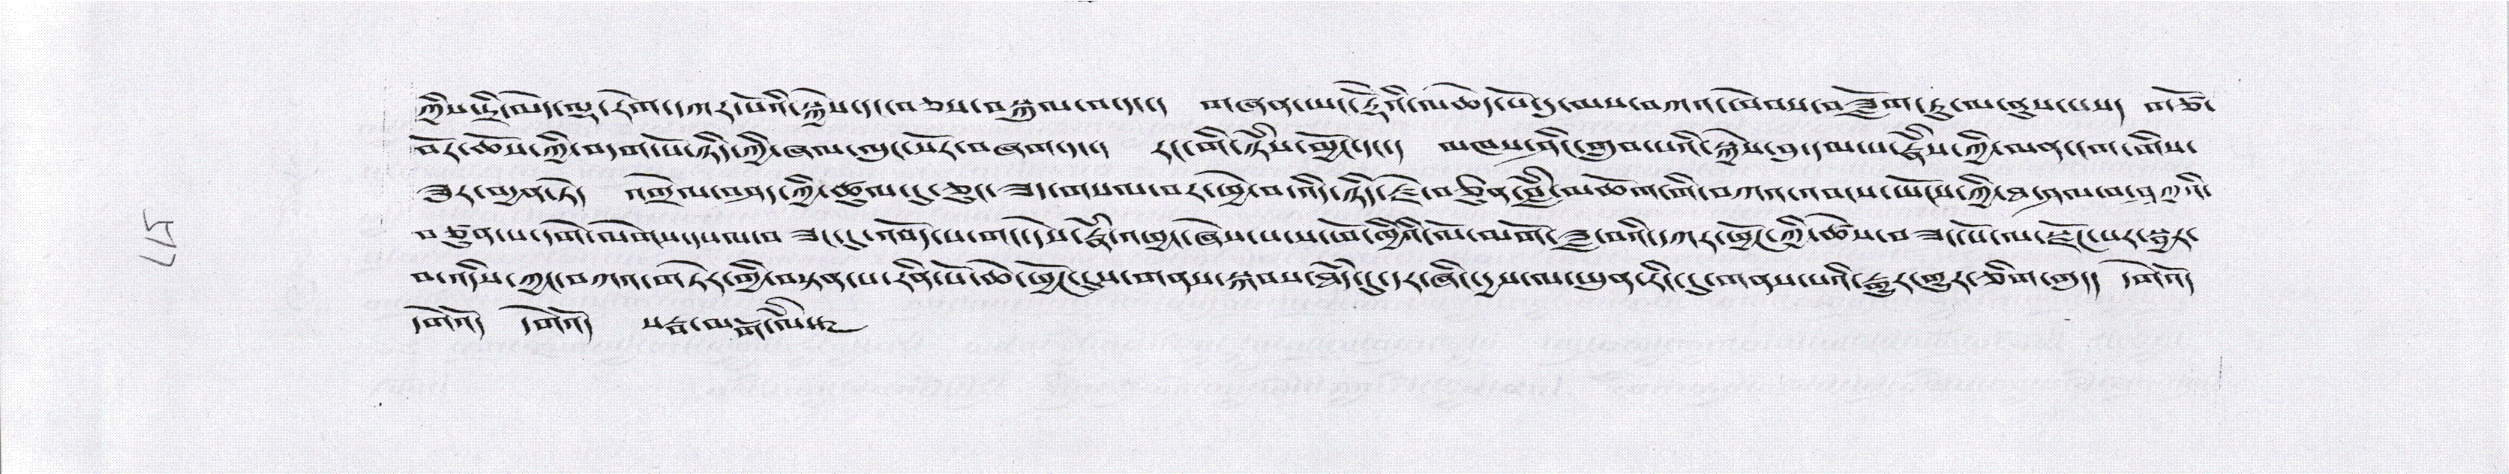ཀྱིས། དྲི་མེད་ལྷ་རེག་དཀར་པོའི་སྐྱེས་དང་བཅས་བསྐུར་བ་དང་། གཞན་ཡང་རྡོ་རྗེའི་མཆེད་པོ་དུ་མའི་བཀའ་ཕེབས་བཟློག་ཏུ་མ་ནུས་པས། གཙོ་
བོར་ཆོས་ཀྱི་བདག་པོ་ཉིད་ཀྱི་ཞལ་ལུང་སོར་བཞག་དང་། རང་གི་ཉམས་མྱོང་དང་། མཁས་ཤིང་གྲུབ་པའི་སྐྱེས་བུ་དམ་པ་རྣམས་ཀྱི་མན་ངག་གིས་
ཟུར་བརྒྱན་ཏེ། འགྲེལ་བཤད་ཀྱི་ཚུལ་དུ་ཅུང་ཟད་གསལ་བར་ཕྱེ་བ་འདི་ཉིད་རྗེ་བཙུན་བླ་མ་མཆོག་གི་བཀའ་འབངས་ཡོངས་ཀྱི་ཐ་ཤལ་བ་ཤཱཀྱའི་
བཙུན་པ་དགེ་ལེགས་དཔལ་བཟང་དུ་འབོད་པ་གང་དེས་རྣམ་འཕྱང་ཞེས་པ་ས་ཕོ་ཁྱིའི་ལོ་འགོ་ཟླ་བའི་དཀར་ཕྱོགས་ཀྱི་ཚེས་བཟང་པོ་ལ་རྫོགས་པར་སྦྱར་
བ་འདིས་ཀྱང་བཀའ་གཏེར་གྱི་བསྟན་པ་རིན་པོ་ཆེ་ཕྱོགས་དུས་གནས་སྐབས་ཐམས་ཅད་དུ་དར་ཞིང་རྒྱས་ལ་ཡུན་རིང་དུ་གནས་པའི་རྒྱུར་གྱུར་ཅིག་གུ། །
དགེའོ། དགེའོ། དགེའོ། །སརྦ་མངྒ་ལམ། །